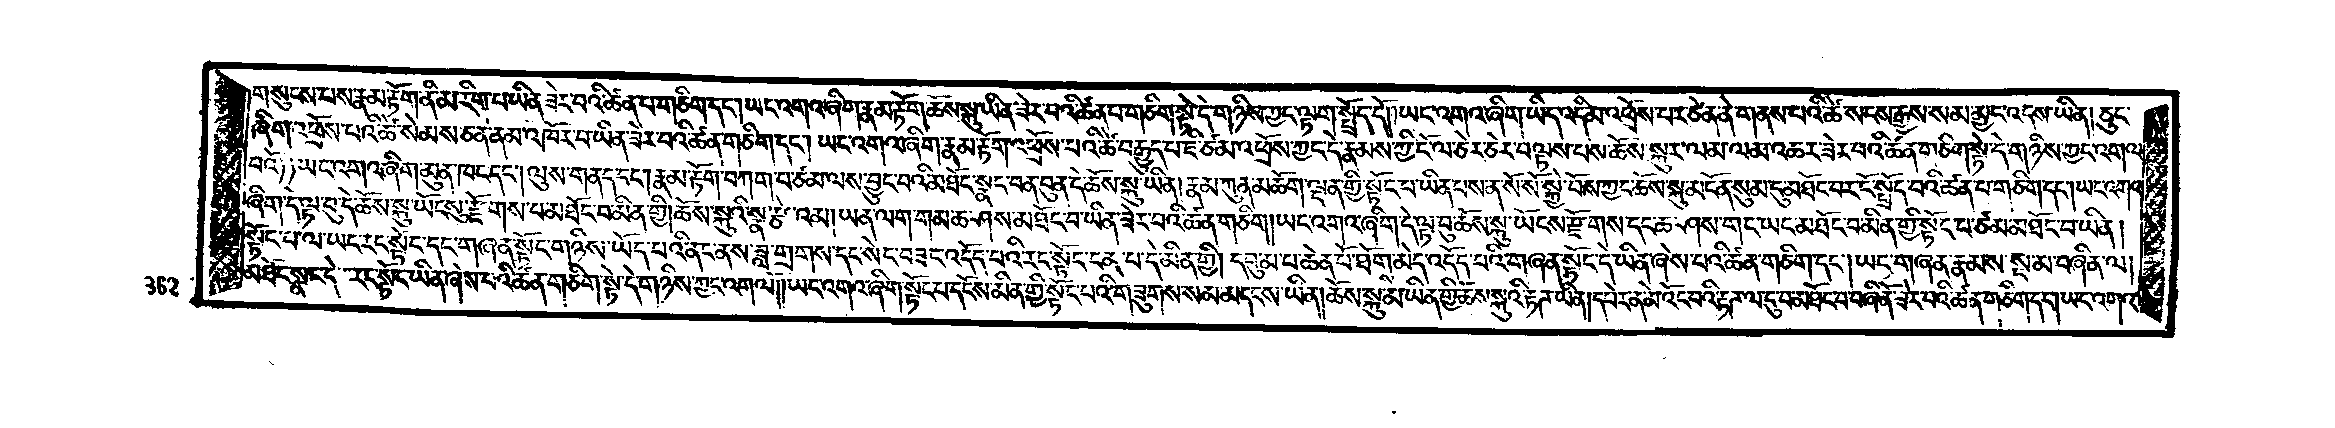གསུངས་པས་རྣམ་རྟོག་ནི་མ་རིག་པ་ཡིན་ཟེར་བའི་ཚན་པ་གཅིག་དང་། ཡང་འགའ་ཞིག་རྣམ་རྟོག་ཆོས་སྐུ་ཡིན་ཟེར་བའི་ཚན་པ་གཅིག་སྟེ་དེ་གཉིས་ཀྱང་ལྟག་སྤྲོད་དོ། །ཡང་འགའ་ཞིག་ཡིད་འདི་མ་འཕྲོས་པར་ཙེན་ནེ་གནས་པའི་ཚེ་སངས་རྒྱས་སམ་མྱང་འདས་ཡིན། ཅུང་
ཞིག་འཕྲོས་པའི་ཚེ་སེམས་ཅན་ནམ་འཁོར་བ་ཡིན་ཟེར་བའི་ཚན་གཅིག་དང་། ཡང་འགའ་ཞིག་རྣམ་རྟོག་འཕྲོས་པའི་ཚེ་བརྒྱུད་པ་ཇི་ཙམ་འཕྲོས་ཀྱང་དེ་རྣམས་ཀྱི་ངོ་ལ་ཅེར་ཅེར་བལྟས་པས་ཆོས་སྐུར་ལམ་ལམ་འཆར་ཟེར་བའི་ཚན་གཅིག་སྟེ་དེ་གཉིས་ཀྱང་འགལ་
བའོ༑ ༑ཡང་འགའ་ཞིག་མུན་ཁང་དང་། ལུས་གནད་དང་། རྣམ་རྟོག་བཀག་པ་ཙམ་ལས་བྱུང་བའི་མཐོང་སྣང་བན་བུན་དེ་ཆོས་སྐུ་ཡིན། རྣམ་ཀུན་མཆོག་ལྡན་གྱི་སྟོང་པ་ཡིན་པས་ན་སོ་སོ་སྐྱེ་བོས་ཀྱང་ཆོས་སྐུ་མངོན་སུམ་དུ་མཐོང་བར་ངོ་སྤྲོད་པའི་ཚན་པ་གཅིག་དང་། ཡང་འགའ་
ཞིག་དེ་ལྟ་བུ་དེ་ཆོས་སྐུ་ཡོངས་སུ་རྫོགས་པ་མཐོང་བ་མིན་གྱི། ཆོས་སྐུའི་སྣ་རྩེ་འམ། ཡན་ལག་གམ་ཆ་ཤས་མཐོང་བ་ཡིན་ཟེར་བའི་ཚན་གཅིག །ཡང་འགའ་ཞིག་དེ་ལྟ་བུ་ཆོས་སྐུ་ཡོངས་རྫོགས་དང་ཆ་ཤས་གང་ཡང་མཐོང་བ་མིན་གྱི་སྟོང་པ་ཙམ་མཐོང་བ་ཡིན།
སྟོང་པ་ལ་ཡང་རང་སྟོང་དང་གཞན་སྟོང་གཉིས་ཡོད་པའི་ནང་ནས་ཟླ་གྲགས་དང་སེང་བཟང་འདོད་པའི་རང་སྟོང་ངན་པ་དེ་མིན་གྱི། དབུ་མ་པ་ཆེན་པོ་ཐོགས་མེད་འདོད་པའི་གཞན་སྟོང་དེ་ཡིན་ཞེས་པའི་ཚན་གཅིག་དང་། ཡང་གཞན་རྣམས་སྔ་མ་བཞིན་ལ།
མཐོང་སྣང་དེ་རང་སྟོང་ཡིན་ཞེས་པའི་ཚན་གཅིག་སྟེ་དེ་གཉིས་ཀྱང་འགལ་ལོ། །ཡང་འགའ་ཞིག་སྟོང་པ་དངོས་མིན་གྱི་སྟོང་པའི་གཟུགས་སམ་མདངས་ཡིན། ཆོས་སྐུ་མ་ཡིན་གྱི་ཆོས་སྐུའི་རྟགས་ཡིན། དཔེར་ན་མེ་འོང་བའི་རྟགས་ལ་དུ་བ་མཐོང་བ་བཞིན་ནོ་ཟེར་བའི་ཚན་གཅིག་དང་། ཡང་འགའ་